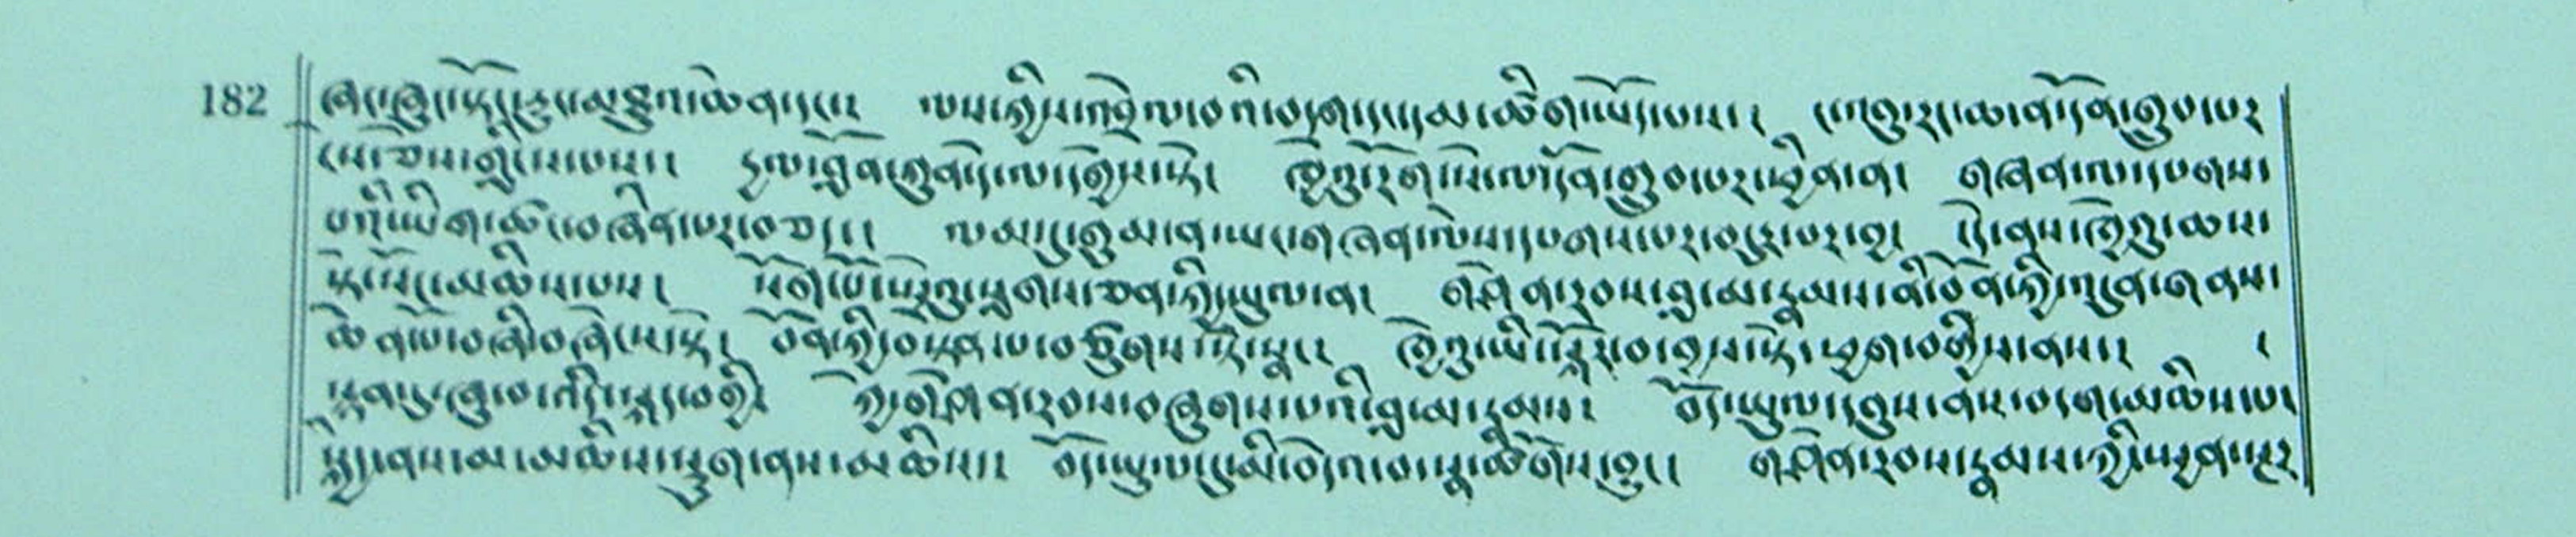ཞང་ཞུང་སྟོང་རྒྱུང་མཐུ་ཆེན་དང་། ལས་ཀྱི་འབྲེལ་བའི་བདག་དང་དམ་ཚིག་ཡོད་པས། ང་འབུ་རང་ཆ་ན་དོན་གྲུབ་པར་
ངེས་ཅེས་གླེང་བས། རྒྱལ་བློན་ཀུན་དེ་ལ་དགྱེས་ཏེ། ཁྱེའུ་རོག་སེ་ལ་དོན་གྲུབ་པར་ཕྱིན་ན། གཞན་ལས་དཔག་
པའི་ཡིག་ཚང་བཞིན་པར་བཅད། ལམ་དུ་གུམ་ན་ཡང་གཞན་ལས་དཔག་པར་བདུར་བར་བྱ། དེ་ནས་ཁྱེའུ་ཆས་
ཏེ་སོང་མཆིས་པས། སོག་པོ་སྤྲེལ་སླག་ཅན་གྱི་ཡུལ་དུ། གཤེན་རབ་བླ་མ་རྣམས་ནི་བོན་གྱི་འདུན་གནས་
ཆེན་པོ་བཞི་བཞེངས་ཏེ། བོན་གྱི་བསྟན་པ་གཙུགས་ཏེ་སྣང་། ཁྱེའུ་ཡིས་སྐོར་བ་བྱས་ཏེ་ཕྱག་བགྱིས་ནས། 
སྙན་དུ་ཞུ་བ་འདི་སྐད་བགྱི། ཀྱེ་གཤེན་རབ་བཞུགས་པའི་བླ་མ་རྣམས། བོད་ཡུལ་དབུས་ནས་བདག་མཆིས་པ། 
སྐྱིད་ནས་མ་མཆིས་སྡུག་ནས་མཆིས། བོད་ཡུལ་དུ་མི་བདེ་སྣ་ཚོགས་བྱུང་། གཤེན་རབ་རྣམས་ཀྱི་སྤྱན་སྔར་